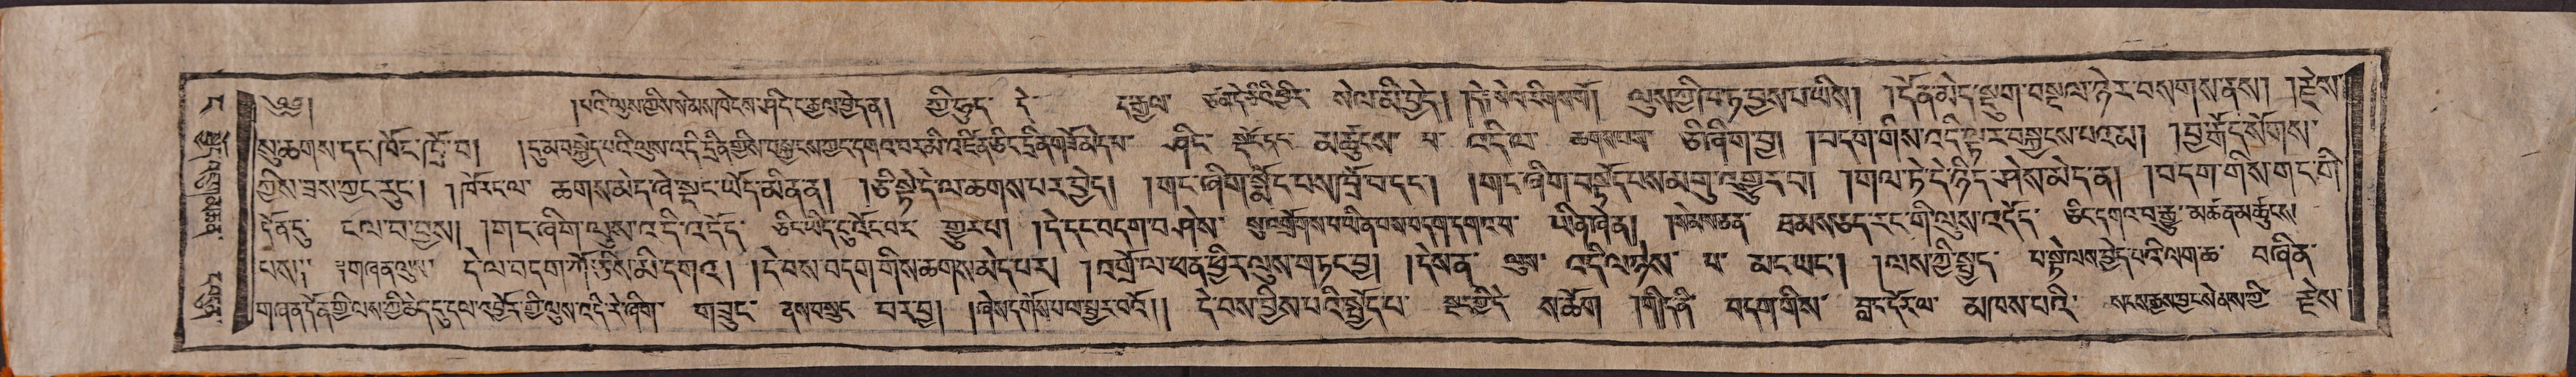༄༅། །པའི་ལུས་ཀྱིས་སེམས་ཁེངས་ཤིང་ང་རྒྱལ་བྱེད་ན།  ཀྱི་ཧུད་དེ་ང་རྒྱལ་ཙམ་དེ་ཅིའི་ཕྱིར་སེལ་མི་བྱེད། །དེ༑ སེལ་རིགས་སོ།  །ལུས་ཀྱི་ཁ་ཏ་བྱས་པ་ཡིས། །དོན་མེད་སྡུག་བསྔལ་ཉེར་བསགས་ནས། །རྗེས་
སུ་ཆགས་དང་ཁོང་ཁྲོ་བ། །དུ་མ་བསྐྱེད་པའི་ལུས་འདི་དྲིན་གྱིས་བསྐྱངས་ཀྱང་དགའ་བར་མི་འཛིན་ཅིང་དྲིན་གཟོ་མེད་པ་ཤིང་སྡོང་དང་མཚུངས་པ་འདི་ལ་ཆགས་པས་ཅི་ཞིག་བྱ། །བདག་གིས་འདི་ལྟར་བསྐྱངས་པའམ། །བྱ་རྒོད་སོགས་
ཀྱིས་ཟོས་ཀྱང་རུང་། །ཁོ་རང་ལ་ཆགས་མེད་ཞེ་སྡང་ཡོད་མིན་ན། །ཅི་སྟེ་དེ་ལ་ཆགས་པར་བྱེད། །གང་ཞིག་སྨོད་པས་ཁྲོ་བ་དང་། །གང་ཞིག་བསྟོད་པས་མགུ་འགྱུར་བ། །གལ་ཏེ་དེ་ཉིད་ཤེས་མེད་ན། །བདག་གིས་གང་གི་
དོན་དུ་ངལ་བ་བྱས། །གང་ཞིག་ལུས་འདི་འདོད་ཅིང་ཡིད་དུ་འོང་བར་གྱུར་པ། །དེ་དང་བདག་བཤེས་སུ་འགྲོགས་པ་ཡིན་པས་བདག་དགའ་བ་ཡིན་ཞེ་ན། །སེམས་ཅན་ཐམས་ཅད་རང་གི་ལུས་འདོད་ཅིང་དགའ་བ་རྒྱུ་མཚན་མཚུངས་
པས༑ ༑གཞན་ལུས་དེ་ལ་བདག་ཀོ་ཅིས་མི་དགའ། །དེ་བས་བདག་གིས་ཆགས་མེད་པར། །འགྲོ་ལ་ཕན་ཕྱིར་ལུས་གཏང་བྱ། །དེས་ན་ལུས་འདི་ལ་ཉེས་པ་མང་ཡང་། །ལས་ཀྱི་སྤྱད་པ་སྟེ་ལས་བྱེད་པའི་ལག་ཆ་བཞིན་
གཞན་དོན་གྱི་ལས་ཀྱི་ཆེད་དུ་དལ་འབྱོར་གྱི་ལུས་འདི་རེ་ཞིག་གཟུང་ནས་བསྲུང་བར་བྱ། །ཞེས་དགོས་པ་ལ་སྦྱར་བའོ།  །དེ་བས་བྱིས་པའི་སྤྱོད་པ་སྔར་གྱི་དེས་ཆོག་།གི། ད་ནི་བདག་གིས་བླང་དོར་ལ་མཁས་པའི་སངས་རྒྱས་བྱང་སེམས་ཀྱི་རྗེས་